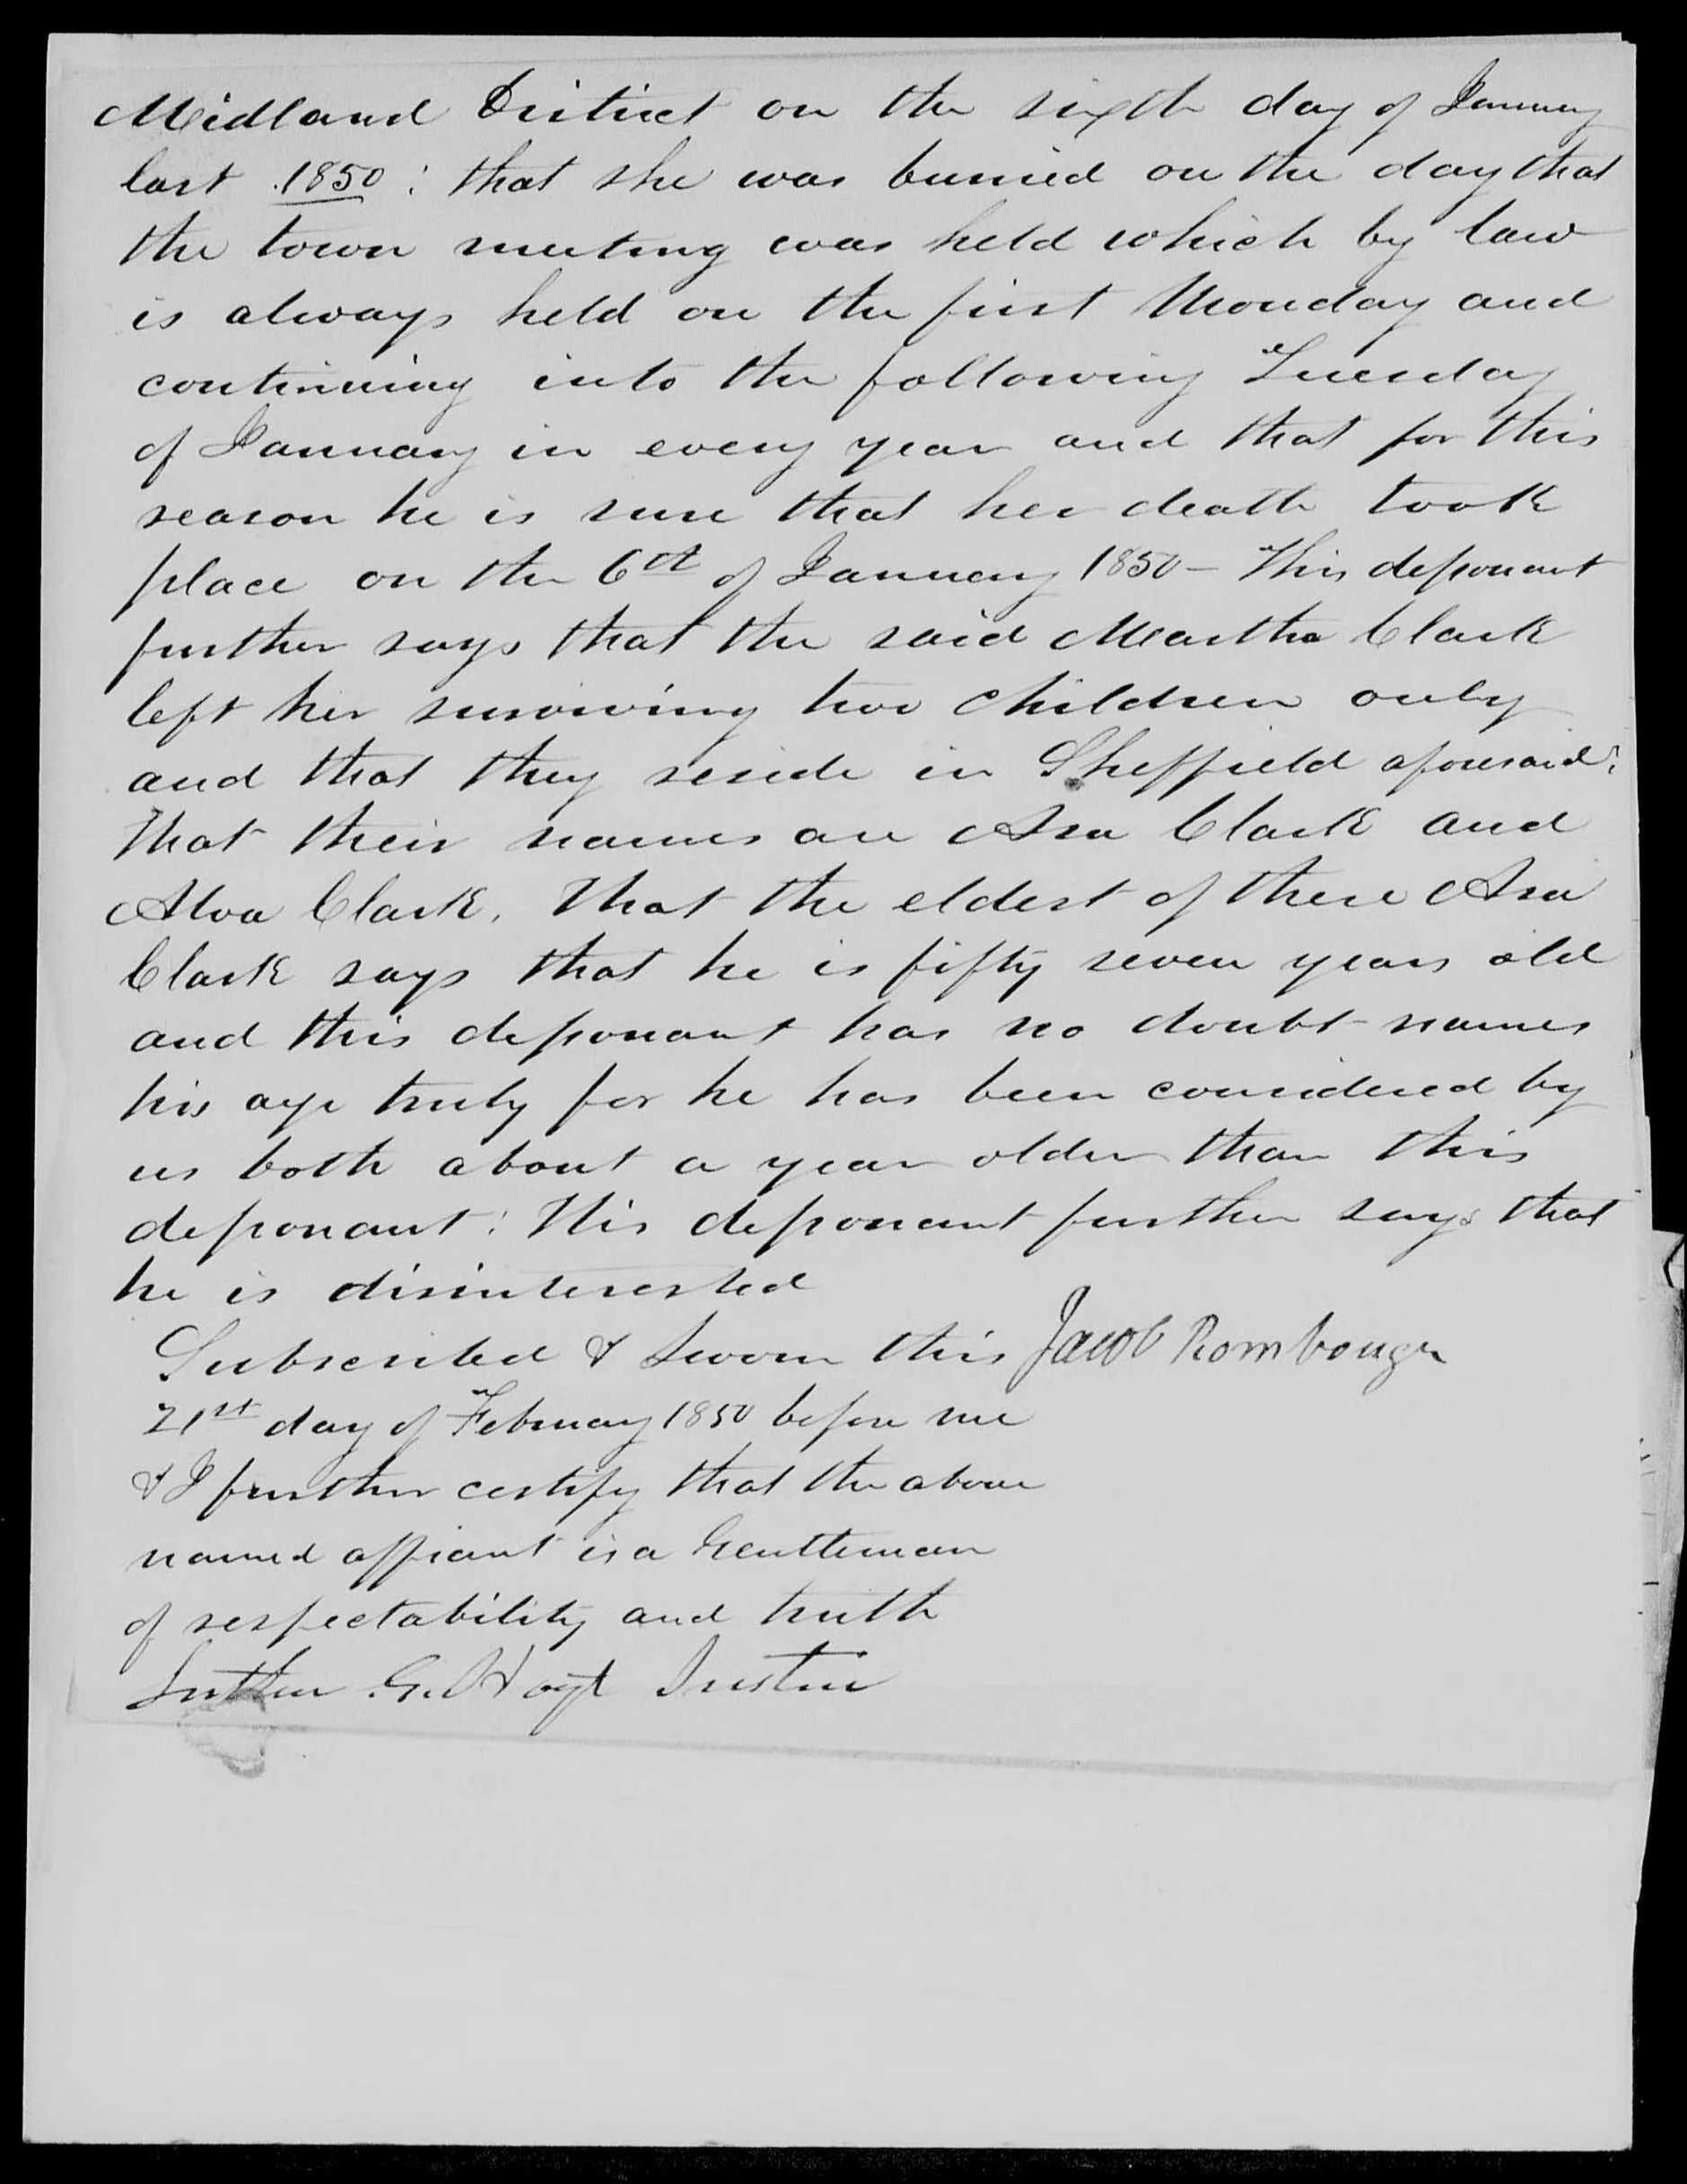Midland District on the sixth day of January last 1850: that she was buried on the day that the town meeting was held which by law is always held on the first Monday and continuing into the following Tuesday of January in every year and that for this reason he is sure that her death took place on the 6th of January 1850- This deponent further says that the said Martha Clark left her surviving two children only and that they reside in Sheffield aforesaid: That their names are Asa Clark and Alva Clark.  That the eldest of these Asa Clark says that he is fifty seven years old and this deponant has no doubt names his age truly for he has been considered by us both about a year older than this:  This deponent further says that he is disinterested
Jacob Rombough
Subscribed & Sworn this 
21st day of February 1850 before me
& I further certify that the above named affiant is a Gentlemen
of respectability and truth
Luther G. Hoyt Justice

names: Alva Clark, Asa Clark, Martha Clark, Luther G Hoyt, Asa Clark, Jacob Rombough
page: 20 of 26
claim: rejected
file: R. 2001, Jonathan Clark, Conn.